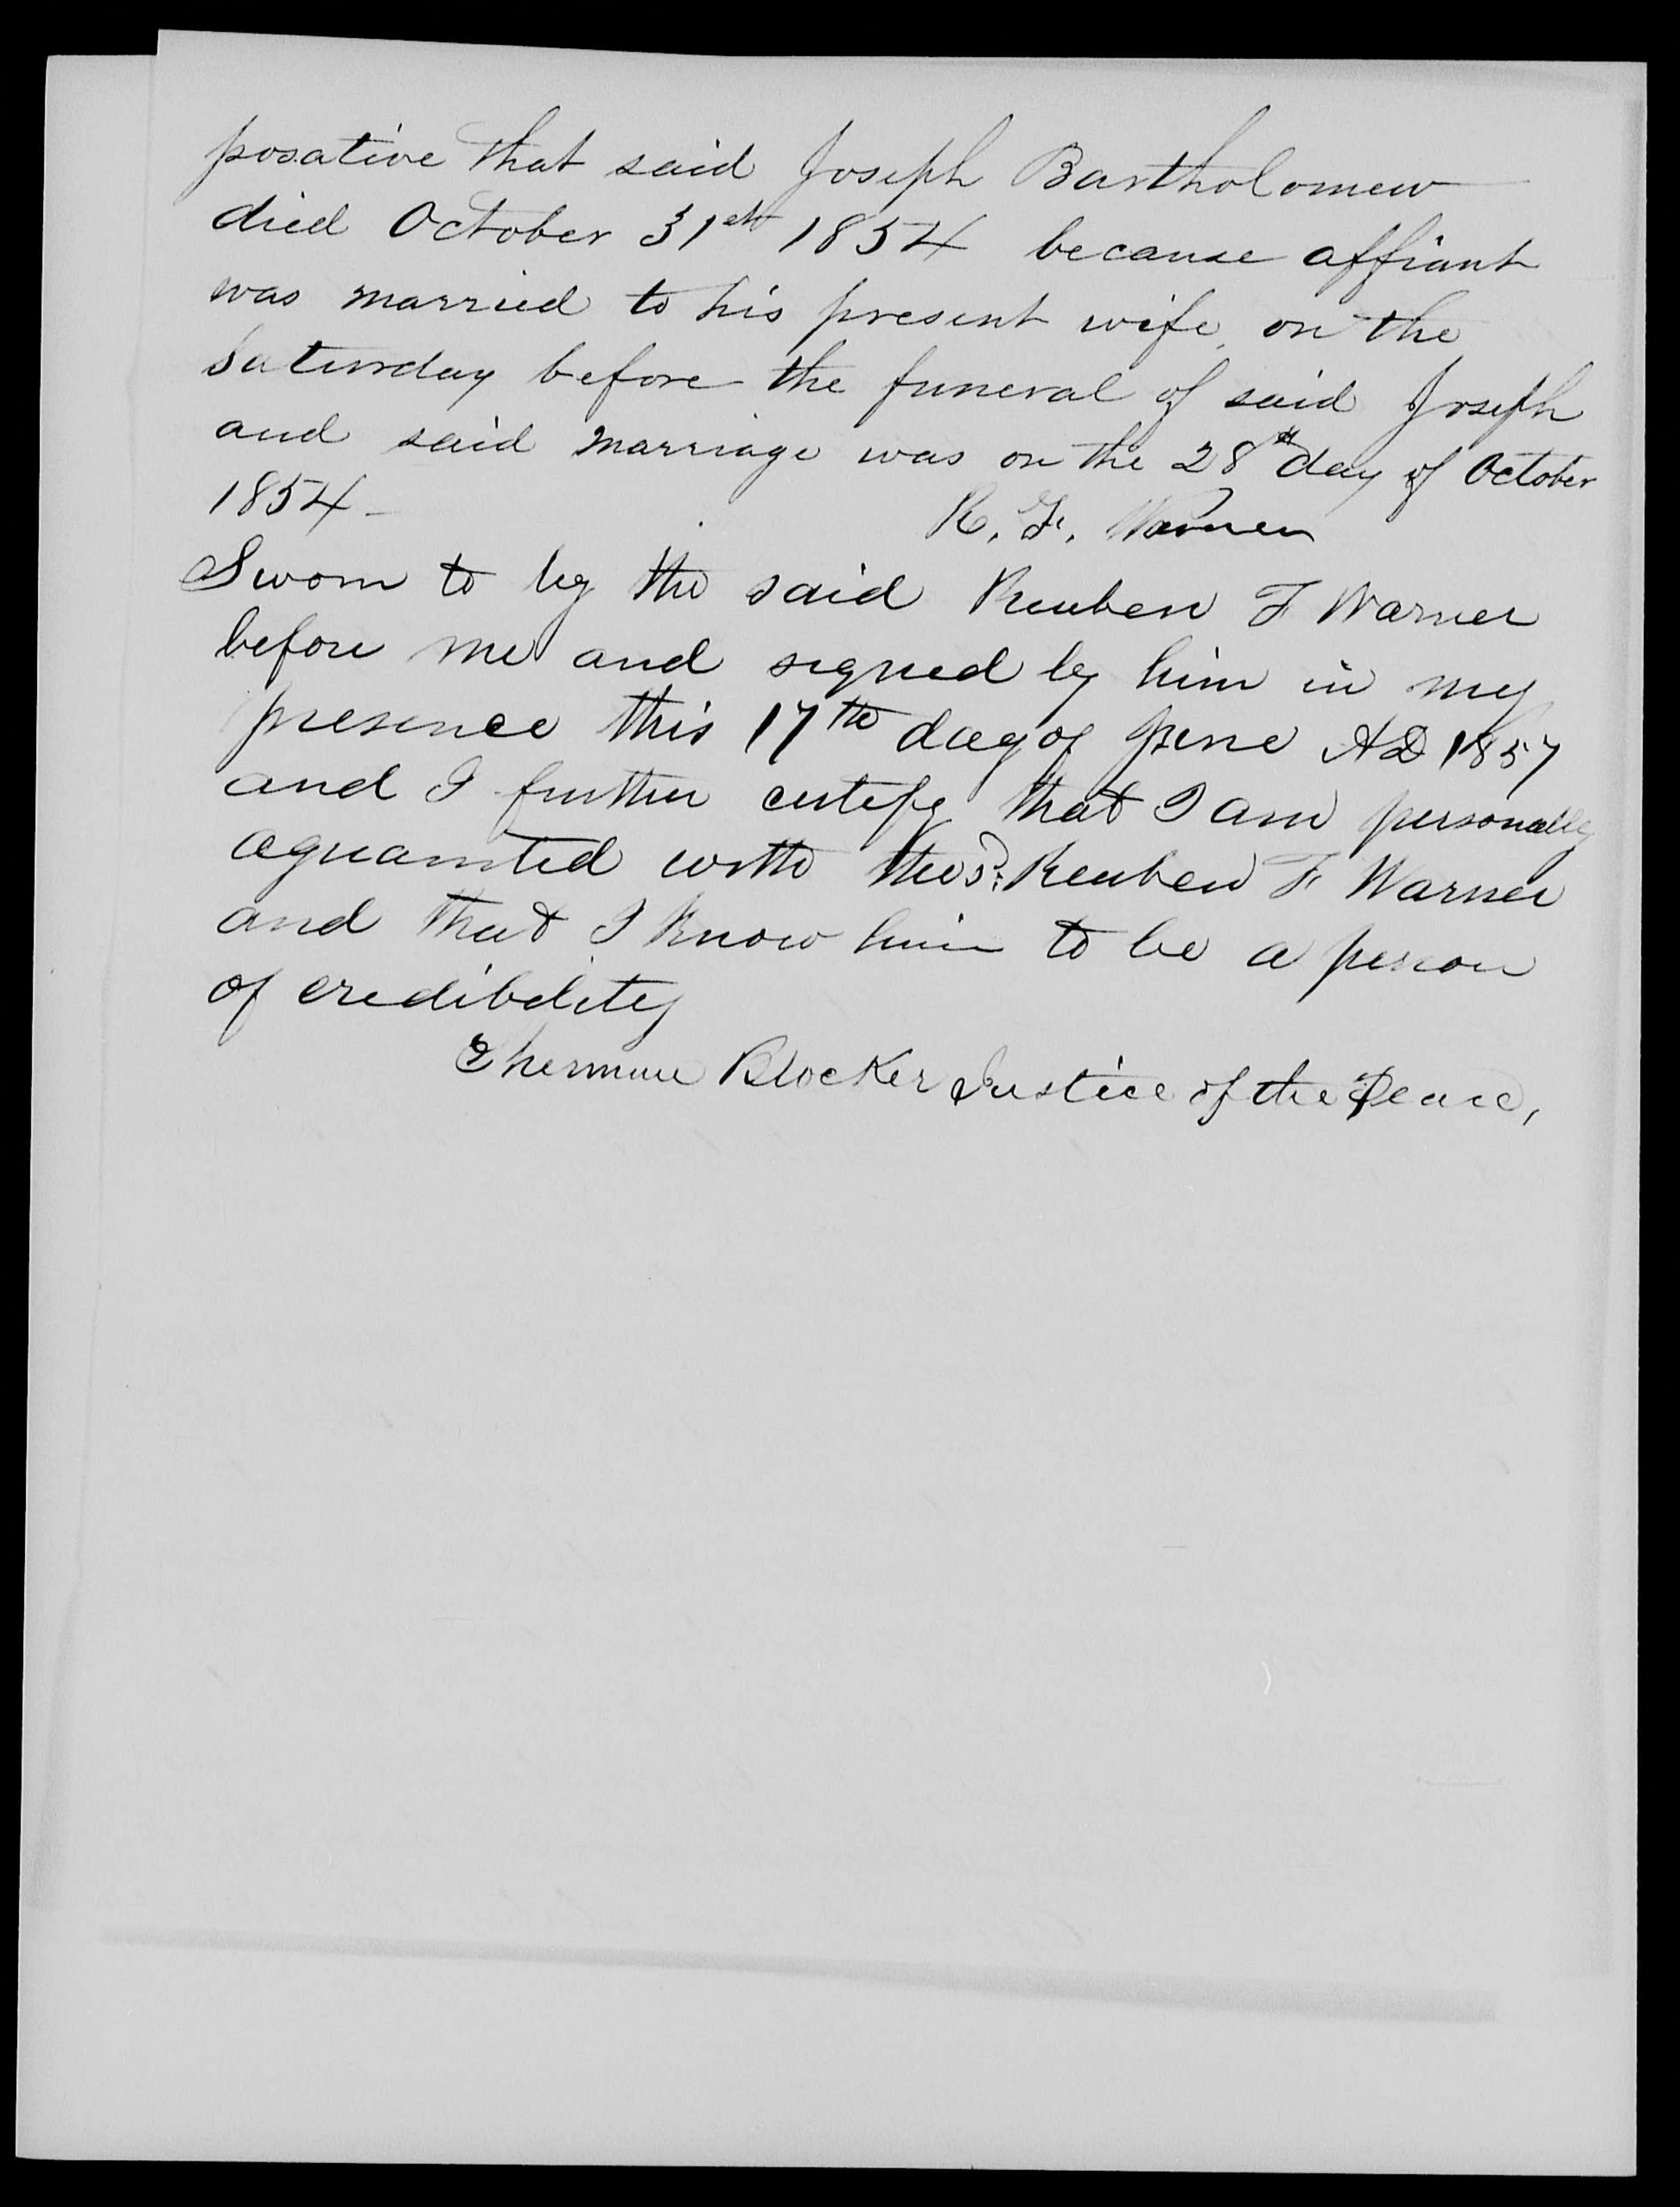positive that said Joseph Bartholomew
died October 31st 1854 because affiant
was married to his present wife, on the
Saturday before the funeral of said Joseph
and said marriage was on the 28th day of October 1854-
R. F. Warner  [signature]


Sworn to by the said Reuben F. Warner before me and signed by him in my presence this 17th day of June AD 1857 and I further certify
that I am personally aquainted [acquainted] with the said Reuben F. Warner and that I know him to be a person of credibility


Sherman Blocker Justice of the Peace [signature]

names: Sherman Blocker, R F Warner, Joseph, Joseph Bartholomew, Reuben F Warner, Reuben F Warner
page: 31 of 76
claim: widow's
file: W. 9345, Joseph Bartholomew, Conn.